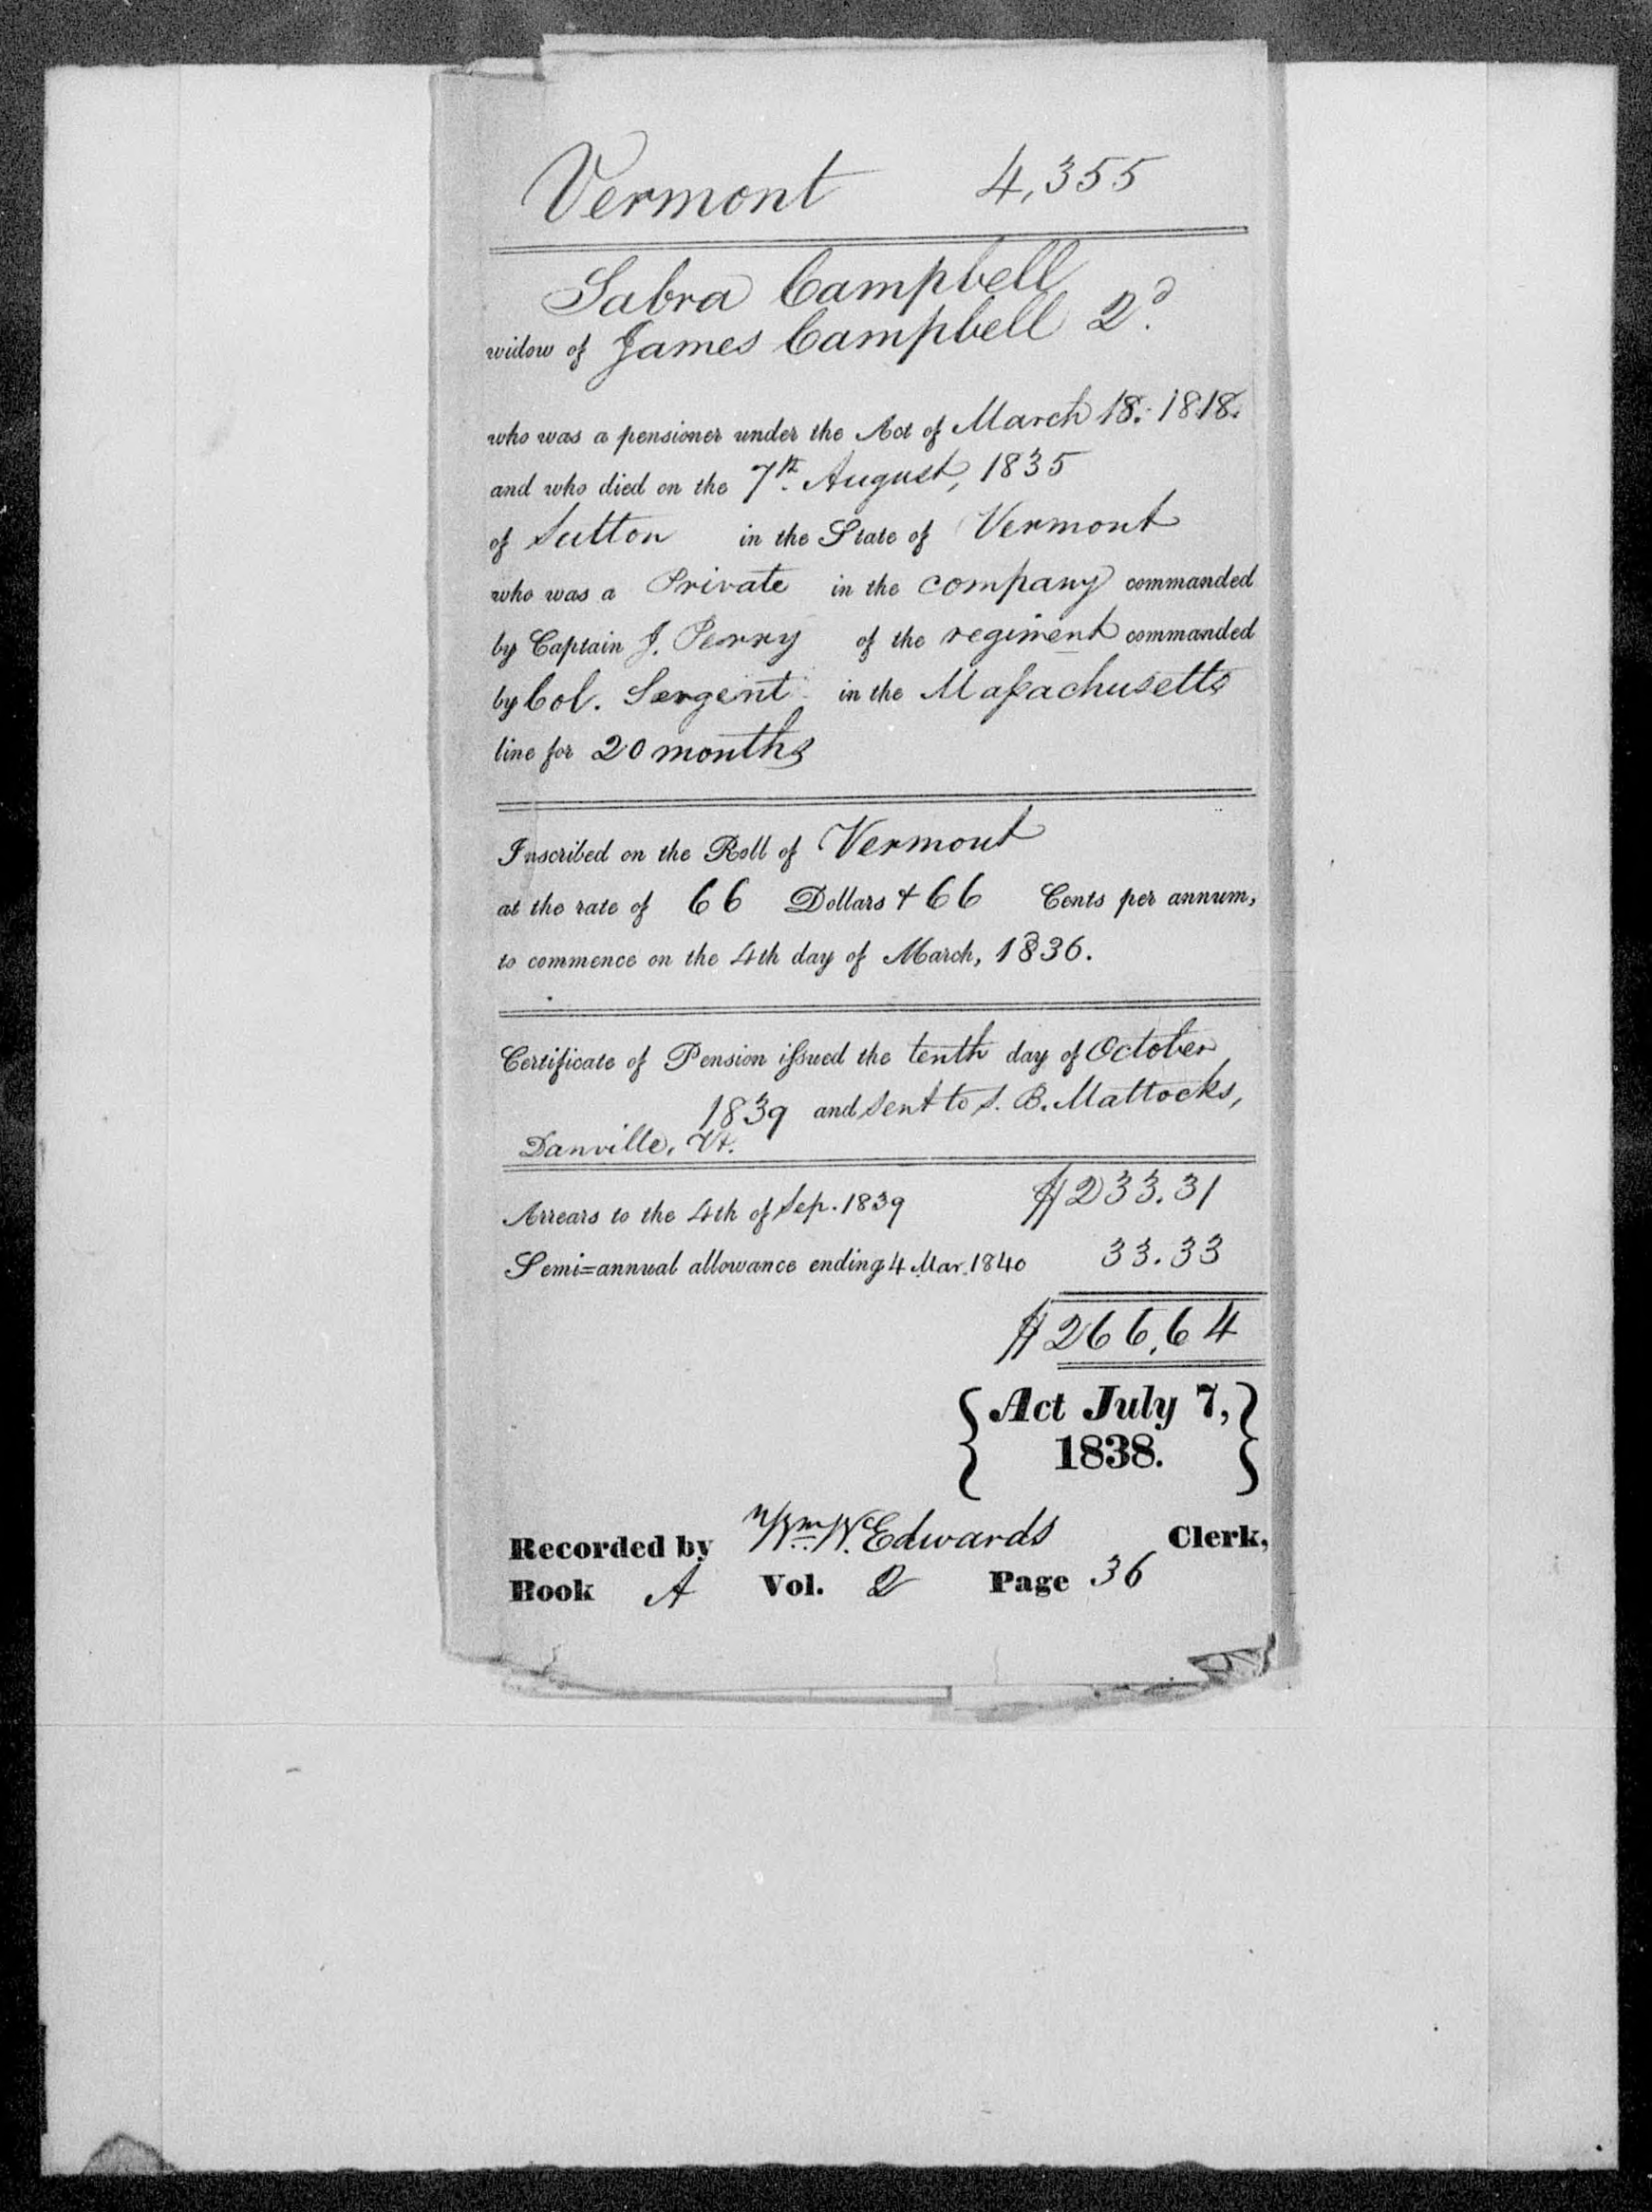Vermont 4,355

Sabra Campbell
widow of James Campbell 2d
who was a pensioner under the Act of March 18. 1818. and who died on the 7th. August, 1835
of Sutton in the State of Vermont
who was a Private in the company commanded
by Captain J. Perry of the regiment commanded by Col. Sargent in the Massachusetts line for 20 months

Inscribed on the Roll of Vermont
at the rate of 66 Dollars & 66 Cents per annum, to commence on the 4th day of March, 1836.

Certificate of Pension issued the tenth day of October 1839 and sent to S. B. Mattocks,
Danville, Bt.

Arrears to the 4th of Sep. 1839           $233.31
Semi=annual allowance ending 4 Mar 1840 
                                                                33.33                                                               
                                                              ________
                                                            $266.64

{Act July 7, 1838.}
Recorded by Wm. W. Edwards Clerk,
Book A Vol. 2 Page 36
,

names: Wm W Edwards, James Campbell, J B Mattocks, Sabra Campbell, J Perry, Sergent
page: 19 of 67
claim: widow's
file: W. 23772, James Campbell, Continental Mass.